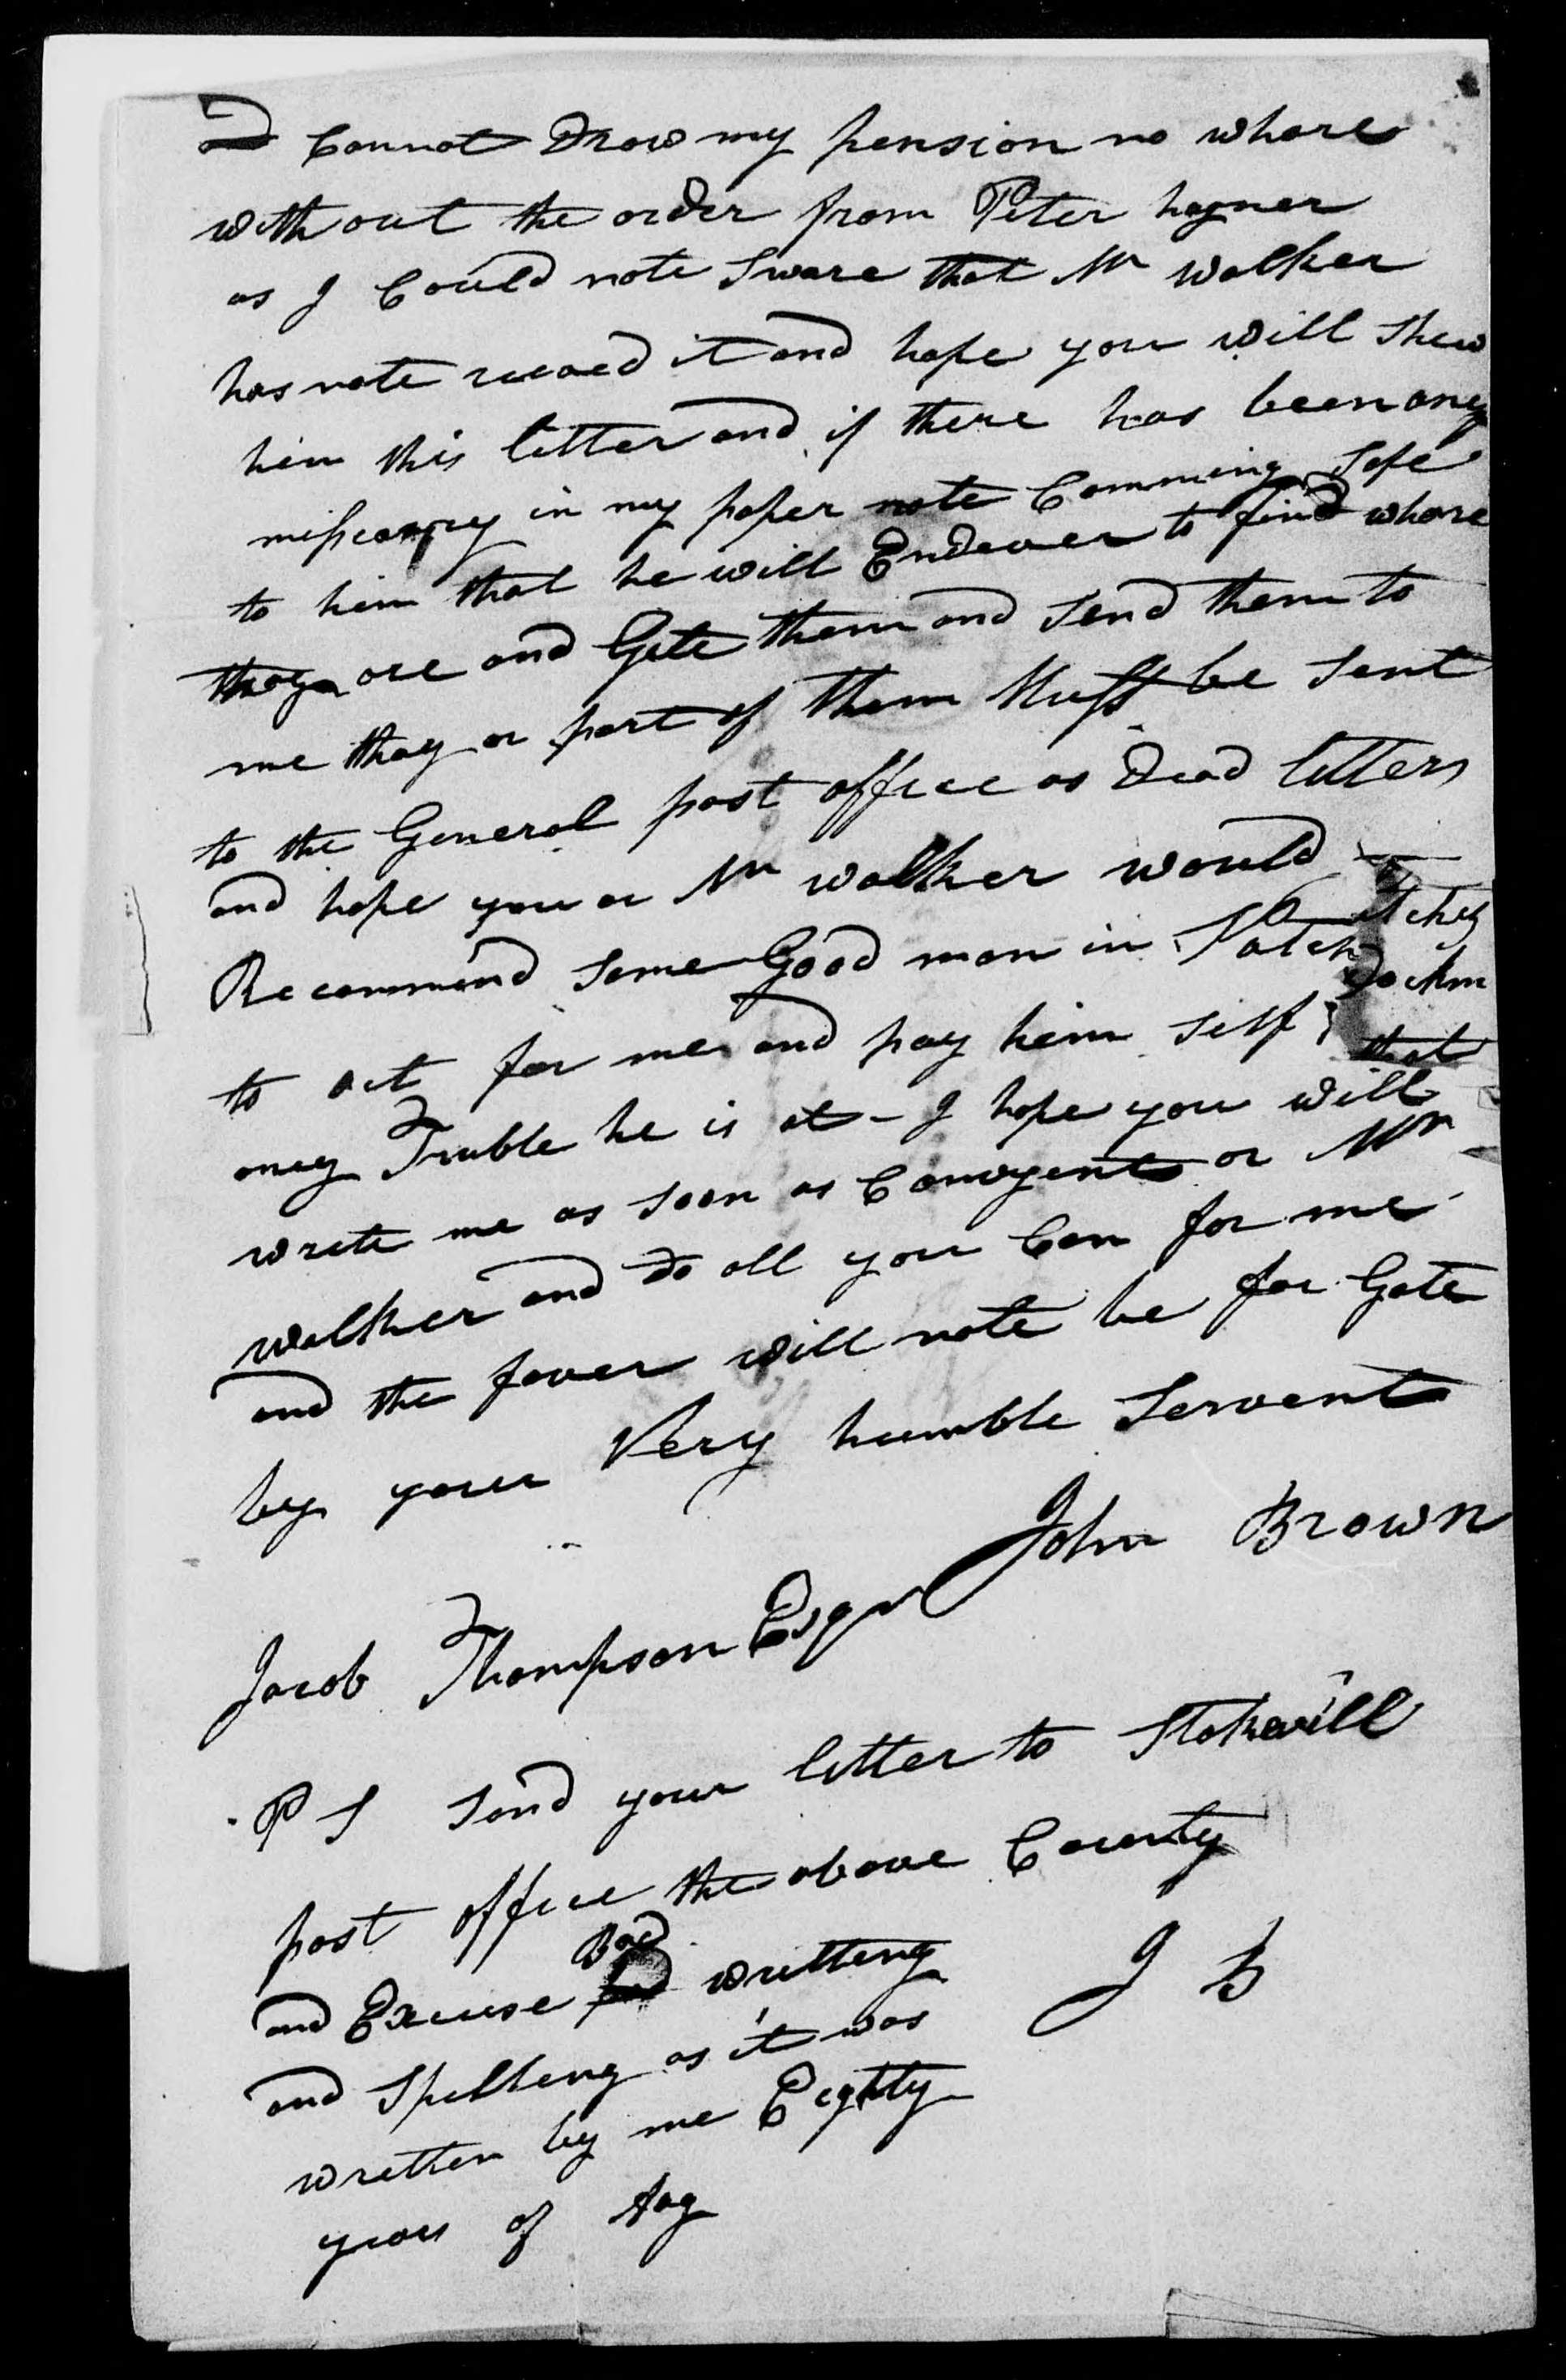I canot Draw my pension no whare without the order from Peter Hagner as I could note Sware that Mr Walker ha note recaed it and hope you will shew him this letter and if there has been any miscarry in my paper note Comming Safe to him that he will Endeaver to find whore they ore and Gite them and send them to me thay or part of them Must be Sent to the General post office  as Dead letters and hope you or Mr Walker would Recommend some good man in Natchez to act for me and pay him self to him that any Truble he is at - I hope you will write me as soon as convyent or Mr Walker and do all you can for me - and the faver will note be for Gote by your Very humble Servent
John Brown
Jacob Thompson Esq
PS Send your letter to Stokevill post office the above County and Exuse Bad writting and Spelling as it was written by me Eighty years of aag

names: John Brown, Peter, Walker, Walker, Jacob Thompson, Walker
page: 62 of 85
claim: widow's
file: W. 5,906, John Brown, S.C.